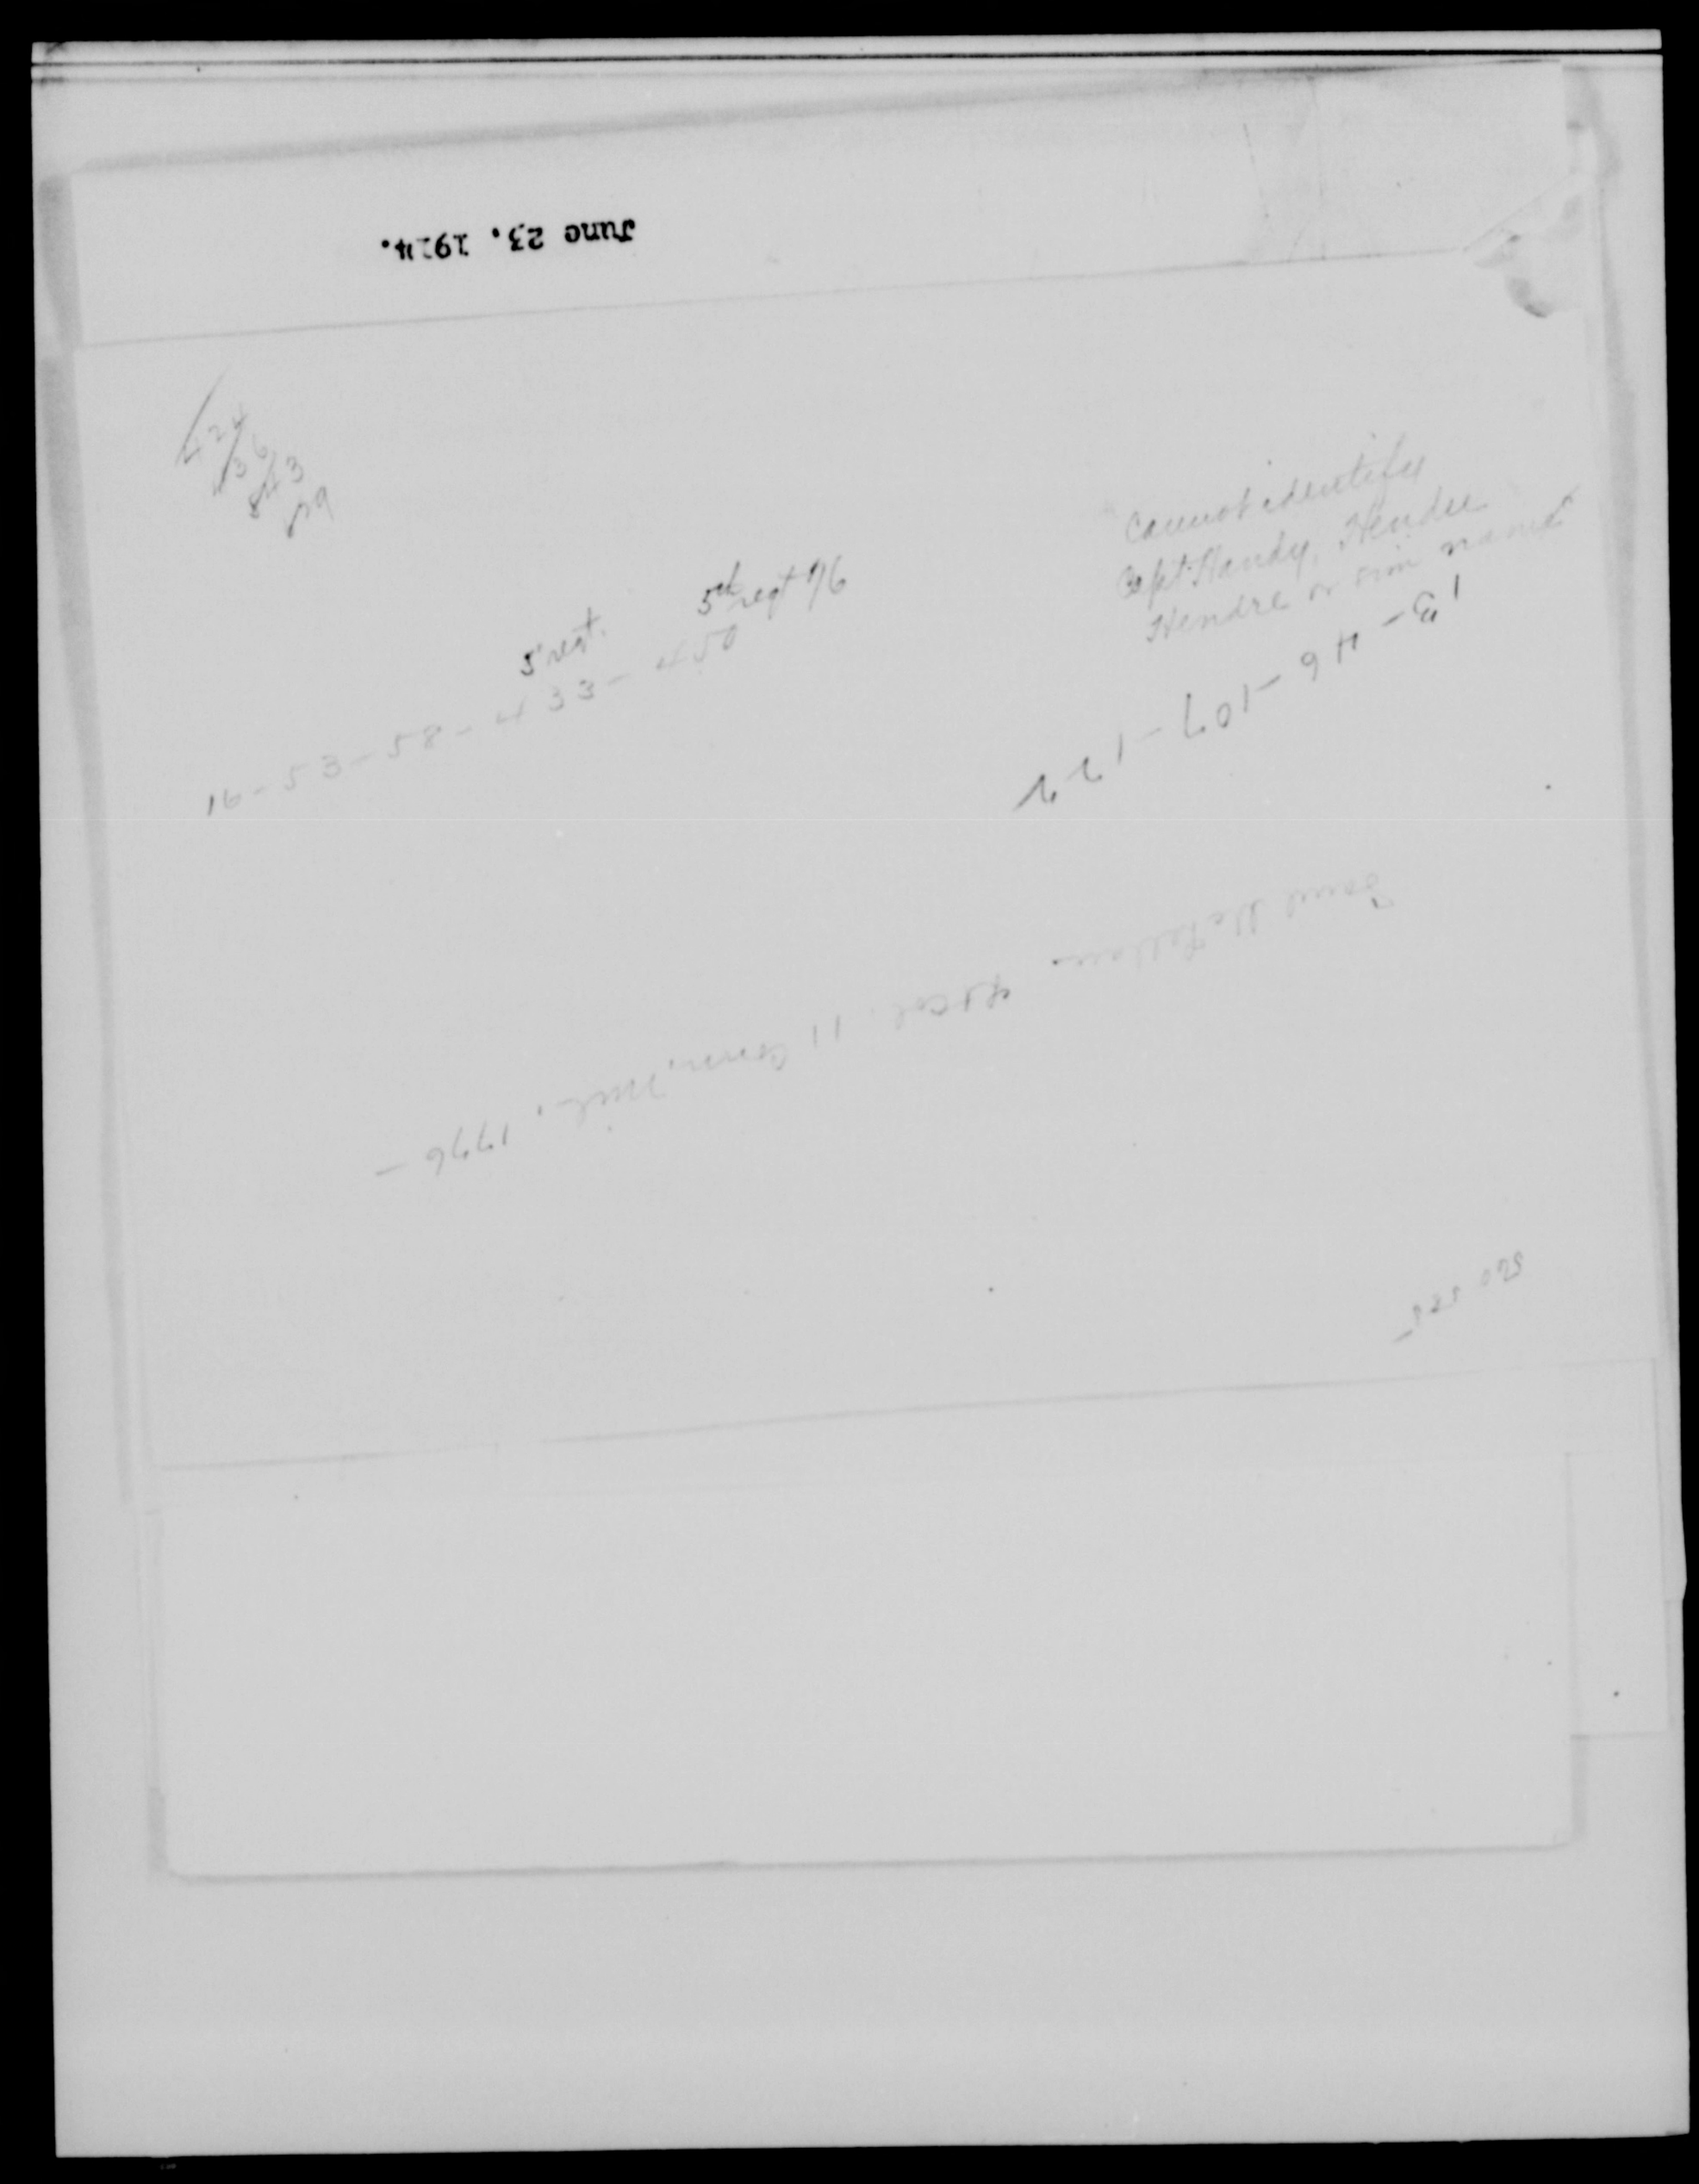*rotated to transcribe*

560585

Samuel McLellan, Lt. Col. [Illegible] Conn. Mil, 1776-

13-46-107-122 

June 23, 1924

*right side up*
5 reqt.   5th reqt 76

16-53-58-433-350

cannot identify
Capt. Handy or Handee
Hendre or [illegible]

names: [BLANK]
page: 69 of 70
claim: rejected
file: R. 10,026, for Ephraim Squier, Connecticut